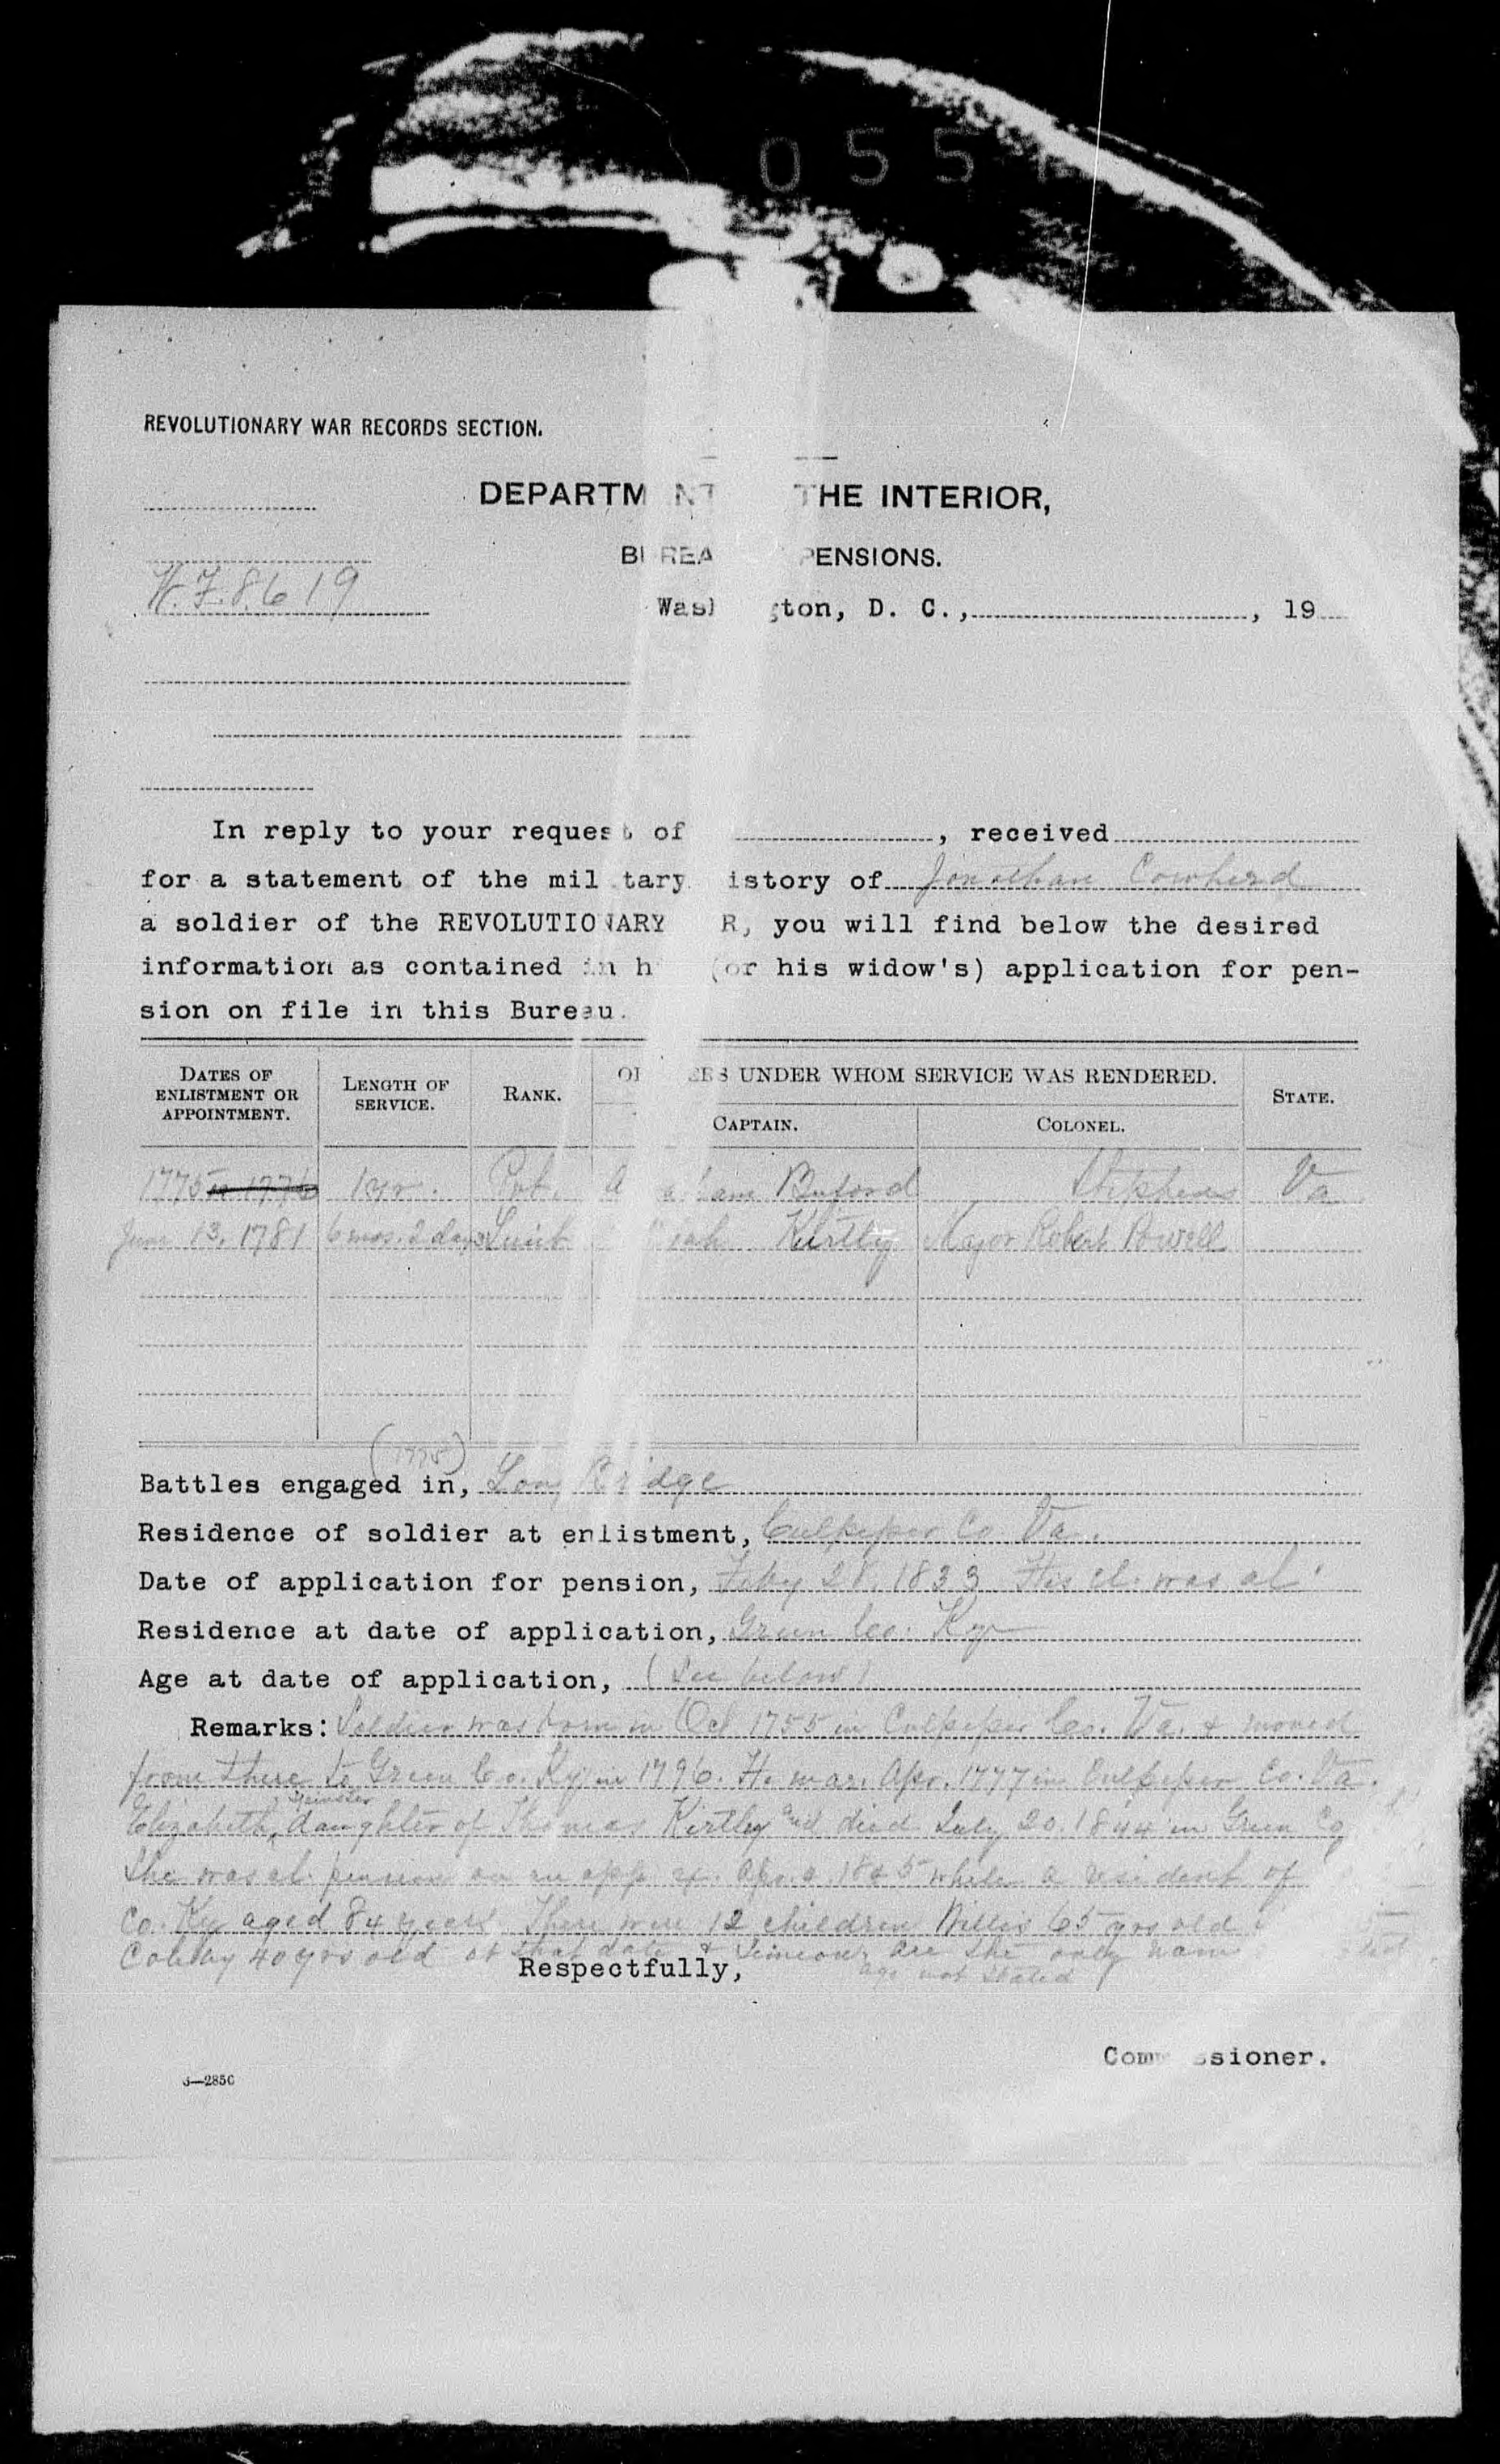REVOLUTIONARY WAR RECORDS SECTION.
DEPARTMENT OF THE INTERIOR,
BUREAU OF PENSIONS,
Washington, D. C. 
W. F. 8619
In reply to your request of [blank], received [blank] for a statement of the military history of Jonathan Cowherd a soldier of the REVOLUTIONARY WAR, you will find below the desired information as contained in his (or his widow's) application for pension  on file in this Bureau.
Dates of enlistment or appointment: 1775 Length of Service: 1 yr
Rank: Private 
Captain: Abraham Buford 
Colonel: Stephens
State: Va
Dates of enlistment or appointment: 6 months 2 days 
Rank: Lieutenant
Captain: Elijah Kirtley
Colonel: Major Robert Powell
Battles engaged in: 1775 Long Bridge
Residence of soldier at enlistment: Culpeper Co Va
Date of application for pension: Feby 28, 1835 His cl [claim] was al. [allowed]
Residence at date of application: Green Co., Ky
Age at date of application: (see below)
Remarks: Soldier was born Oct. 1755 in Culpeper Co., Va. & moved from there to Green Co., Ky in 1796. He was [married] Apr 1777 in Culpeper Co. Va Elizabeth spinster daughter of Thomas Kirtley and died July 20, 1844 in Green Co., Ky. She was al [allowed] pension on an app [application] of Apr 4 1845 while a resident of [illegible] Co., Ky aged 84 years. There were 12 children Willis 65 yrs old in [illegible] Coleby 40 yrs old at that date & Simeon, age not stated are the only names [illegible] stated
Respectfully,

Commissioner.
[illegible] - 285C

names: Robert Powell, Simeon, Willis, Jonathan Cowherd, Kirtly, Abraham Buford, Thomas Kirtley, Stephens, Elizabeth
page: 38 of 46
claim: widow's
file: W 8619, Jonathan Cowherd, Va.